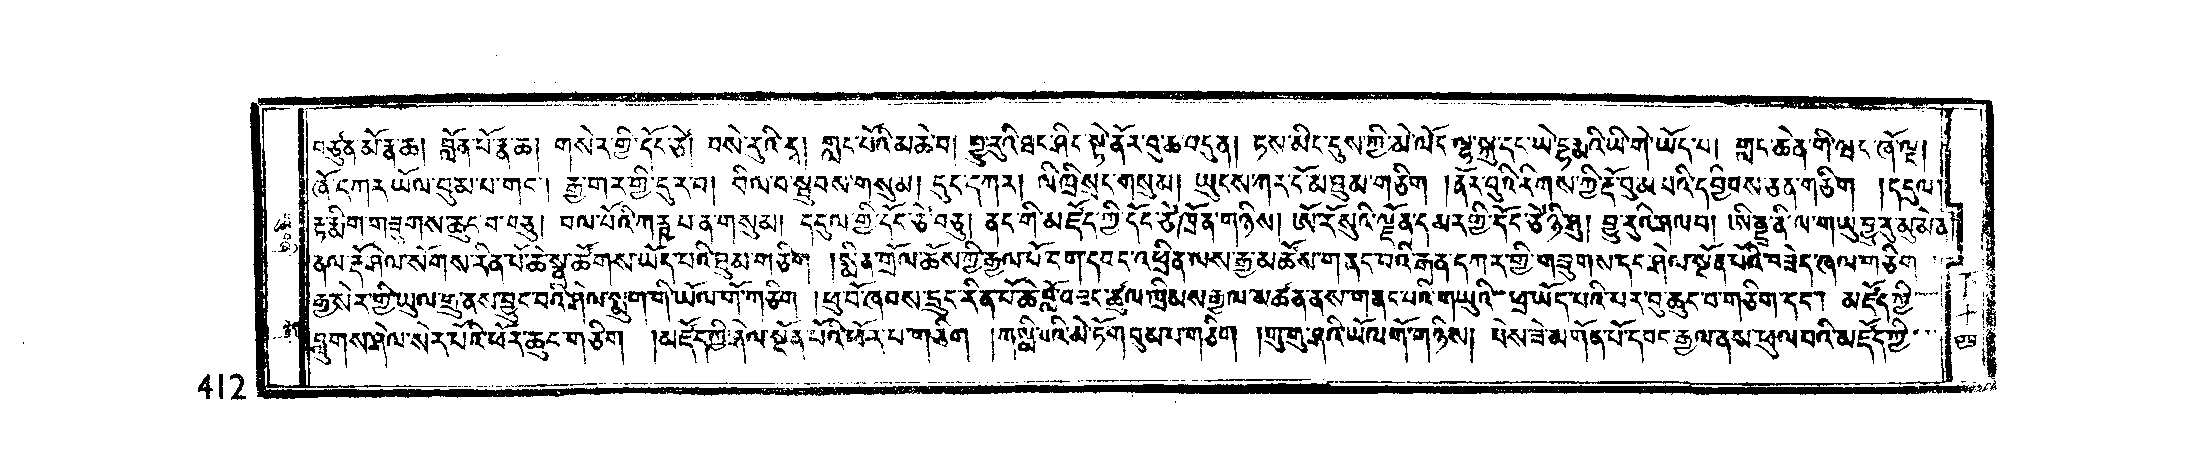བཙུན་མོ་རྣ་ཆ། བློན་པོ་རྣ་ཆ། གསེར་གྱི་དོང་ཙེ། བསེ་རུའི་རྭ། གླང་པོའི་མཆེ་བ། བྱུ་རུའི་ཐང་ཤིང་སྟེ་ནོར་བུ་ཆ་བདུན། ཏས་མིང་དུས་ཀྱི་མེ་ལོང་ལྷ་སྐུ་དང་ཡེ་དྷརྨའི་ཡི་གེ་ཡོད་པ། གླང་ཆེན་གི་ཝང་ཞོ་ལྔ།
ཞོ་དཀར་ཡོལ་བུམ་པ་གང་། རྒྱ་གར་གྱི་དུར་བ། བིལ་བ་སྦུབས་གསུམ། དུང་དཀར། ལི་ཁྲི་སྲང་གསུམ། ཡུངས་ཀར་ངོ་མ་ཐུམ་གཅིག །ནོར་བུའི་རིགས་ཀྱི་རྡོ་བུམ་པའི་དབྱིབས་ཅན་གཅིག །དངུལ་
རྟ་རྨིག་གཟུགས་ཆུང་བ་བཅུ། བལ་པོའི་ཀརྵ་པ་ན་གསུམ། དངུལ་གྱི་དོང་ཙེ་བཅུ། ནང་གི་མཛོད་ཀྱི་དོང་ཙེ་ཁྲོན་གཉིས། ཨོ་རོ་སུའི་ལྗོན་དམར་གྱི་དོང་ཙེ་ཉི་ཤུ། བྱུ་རུའི་ཤལ་བ། ཨིནྡྲ་ནི་ལ་གཡུ་བྱུ་རུ་མུ་མེན་
ནལ་རྡོ་ཤེལ་སོགས་རིན་པོ་ཆེ་སྣ་ཚོགས་ཡོད་པའི་ཐུམ་གཅིག །སྨིན་གྲོལ་ཆོས་ཀྱི་རྒྱལ་པོ་ངག་དབང་འཕྲིན་ལས་རྒྱ་མཚོས་གནང་བའི་རྒན་དཀར་གྱི་གཟུགས་དང་ཤེལ་སྔོན་པོའི་བཟེད་ཞལ་གཅིག །
རྒྱ་སེར་གྱི་ཡུལ་གྲུ་ནས་བྱུང་བའི་ཤེལ་སྨུག་གི་ཡོལ་གོ་གཅིག །ཕུ་བོ་ཞབས་དྲུང་རིན་པོ་ཆེ་བློ་བཟང་ཚུལ་ཁྲིམས་རྒྱལ་མཚན་ནས་གནང་པའི་གཡུའི་ཕྲ་ཡོད་པའི་པར་བུ་ཆུང་བ་གཅིག་དང་། མཛོད་ཀྱི་
བླུགས་ཤེལ་སེར་པོའི་ཕོར་ཆུང་གཅིག །མཛོད་ཀྱི་ཤེལ་སྔོན་པོའི་ཕོར་པ་གཅིག །ཀསྨི་པའི་མེ་ཏོག་བུམ་པ་གཅིག །གུ་གུ་ཤའི་ཡོལ་གོ་གཉིས། པེས་ཟེ་མགོན་པོ་དབང་རྒྱལ་ནས་ཕུལ་བའི་མཛོད་ཀྱི་